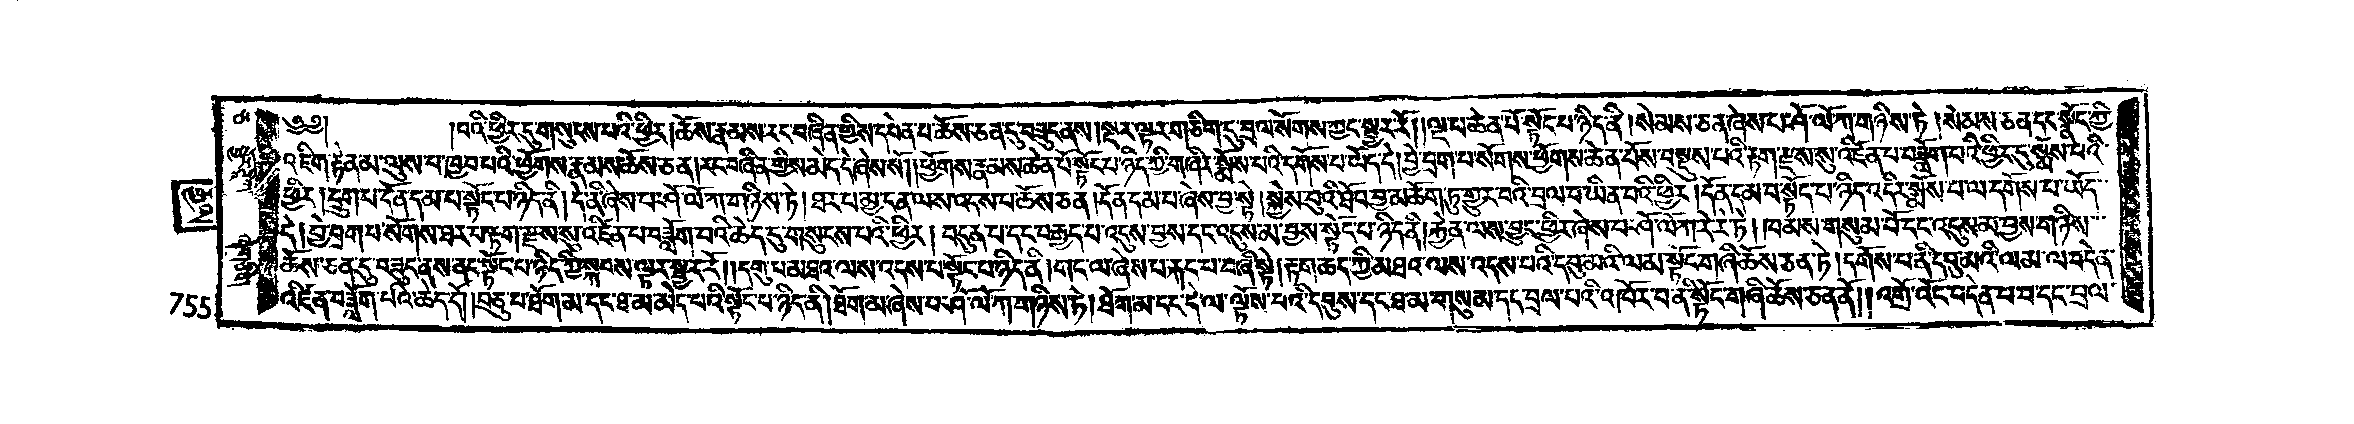༄༅། །བའི་ཕྱིར་དུ་གསུངས་པའི་ཕྱིར། ཆོས་རྣམས་རང་བཞིན་གྱིས་དབེན་པ་ཆོས་ཅན་དུ་བཟུང་ནས། སྔར་ལྟར་གཅིག་དུ་བྲལ་སོགས་ཀྱང་སྦྱར་རོ། །ལྔ་པ་ཆེན་པོ་སྟོང་པ་ཉིད་ནི། སེམས་ཅན་ཞེས་པ་ཤོ་ལོ་ཀ་གཉིས་ཏེ། སེམས་ཅན་དང་སྣོད་ཀྱི་
འཇིག་རྟེན་མ་ལུས་པ་ཁྱབ་པའི་ཕྱོགས་རྣམས་ཆོས་ཅན། རང་བཞིན་གྱིས་མེད་དེ་ཞེས་སོ། །ཕྱོགས་རྣམས་ཆེན་པོ་སྟོང་པ་ཉིད་ཀྱི་གཞིར་སྨོས་པའི་དགོས་པ་ཡོད་དེ། བྱེ་བྲག་པ་སོགས་ཕྱོགས་ཆེན་པོས་བསྡུས་པའི་རྟག་རྫས་སུ་འཛིན་པ་བཟློག་པའི་ཕྱིར་དུ་སྨོས་པའི་
ཕྱིར། དྲུག་པ་དོན་དམ་པ་སྟོང་པ་ཉིད་ནི། དེ་ནི་ཞེས་པ་ཤོ་ལོ་ཀ་གཉིས་ཏེ། ཐར་པ་མྱ་ངན་ལས་འདས་པ་ཆོས་ཅན། དོན་དམ་པ་ཞེས་བྱ་སྟེ། སྐྱེས་བུའི་ཐོབ་བྱ་མཆོག་ཏུ་གྱུར་བའི་བྲལ་བ་ཡིན་པའི་ཕྱིར། དོན་དམ་པ་སྟོད་པ་ཉིད་འདིར་སྨོས་པ་ལ་དགོས་པ་ཡོད་
དེ། བྱེ་བྲག་པ་སོགས་ཐར་པ་རྟག་རྫས་སུ་འཛིན་པ་བཟློག་པའི་ཆེད་དུ་གསུངས་པའི་ཕྱིར། བདུན་པ་དང་བརྒྱད་པ་འདུས་བྱས་དང་འདུས་མ་བྱས་སྟོང་པ་ཉིད་ནི། རྐྱེན་ལས་བྱུང་ཕྱིར་ཞེས་པ་ཤོ་ལོ་ཀ་རེ་རེ་ཏེ། ཁམས་གསུམ་པོ་དང་འདུས་མ་བྱས་གཉིས་
ཆོས་ཅན་དུ་བཟུང་ནས་ནང་སྟོང་པ་ཉིད་ཀྱི་སྐབས་ལྟར་སྦྱར་རོ། །དགུ་པ་མཐའ་ལས་འདས་པ་སྟོང་པ་ཉིད་ནི། གང་ལ་ཞེས་པ་རྐང་པ་བཞི་སྟེ། རྟག་ཆད་ཀྱི་མཐའ་ལས་འདས་པའི་དབུ་མའི་ལམ་སྟོང་གཞི་ཆོས་ཅན་ཏེ། དགོས་པ་ནི་དབུ་མའི་ལམ་ལ་བདེན་
འཛིན་བཟློག་པའི་ཆེད་དོ། །བཅུ་པ་ཐོག་མ་དང་ཐ་མ་མེད་པའི་སྟོང་པ་ཉིད་ནི། ཐོག་མ་ཞེས་པ་ཤོ་ལོ་ཀ་གཉིས་ཏེ། ཐོག་མ་དང་དེ་ལ་ལྟོས་པའི་དབུས་དང་ཐ་མ་གསུམ་དང་བྲལ་བའི་འཁོར་བ་ནི་སྟོང་གཞི་ཆོས་ཅན་ནོ། །འགྲོ་འོང་བདེན་པ་བ་དང་བྲལ་